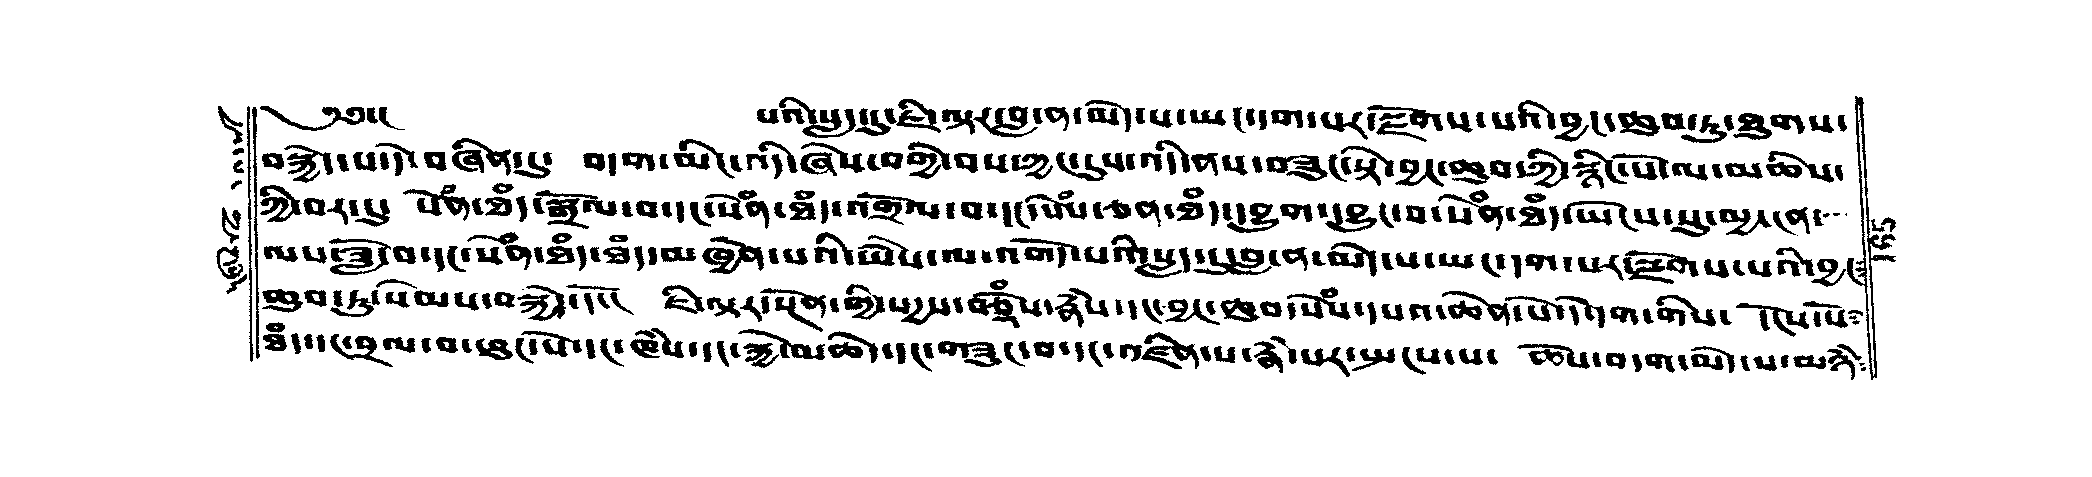པའི་སླད་དུ་ཇི་ལྟར་བླ་ན་མེད་པ་ཡང་དག་པར་རྫོགས་པའི་བྱང་ཆུབ་ཏུ་ཐུགས་
བསྐྱེད་པ་དེ་བཞིན་དུ། བདག་མིང་འདི་ཞེས་བགྱི་བས་ཀྱང་དུས་འདི་ནས་བཟུང་སྟེ་བྱང་ཆུབ་ཀྱི་སྙིང་པོ་ལ་མཆིས་
ཀྱི་བར་དུ། སེམས་ཅན་ཐམས་ཅད་སྒྲོལ་བ་དང་སེམས་ཅན་ཐམས་ཅད་འགྲོལ་བ་དང་སེམས་ཅན་ཐམས་ཅད་དབྱུག་དབྱུང་བ་སེམས་ཅན་ཐམས་ཡོངས་སུ་མྱ་ངན་
ལས་ཟློ་བ་དང་སེམས་ཅན་ཐམས་ཅད་ཐམས་ཅད་མཁྱེན་པའི་ཡེ་ཤེས་ལ་འགོད་པའི་སླད་དུ་བླ་ན་མེད་པ་ཡང་དག་པར་རྫོགས་པའི་བྱང་
ཆུབ་ཏུ་སེམས་བསྐྱེད་དོ། ཇི་ལྟར་སྔོན་གྱི་སངས་རྒྱས་བཅོམ་ལྡན་འདས་རྣམས་དང་བྱང་ཆུབ་སེམས་དཔའ་ཆེན་པོ་དེ་དག་གིས། དངོས་པོ་
ཐམས་ཅད་དང་བྲལ་བ་ཕུང་པོ་དང་ཁམས་དང་སྐྱེ་མཆེད་དང་གཟུང་བ་དང་འཛིན་པ་རྣམ་པར་སྤངས་པ། ཆོས་བདག་མེད་པ་མཉམ་